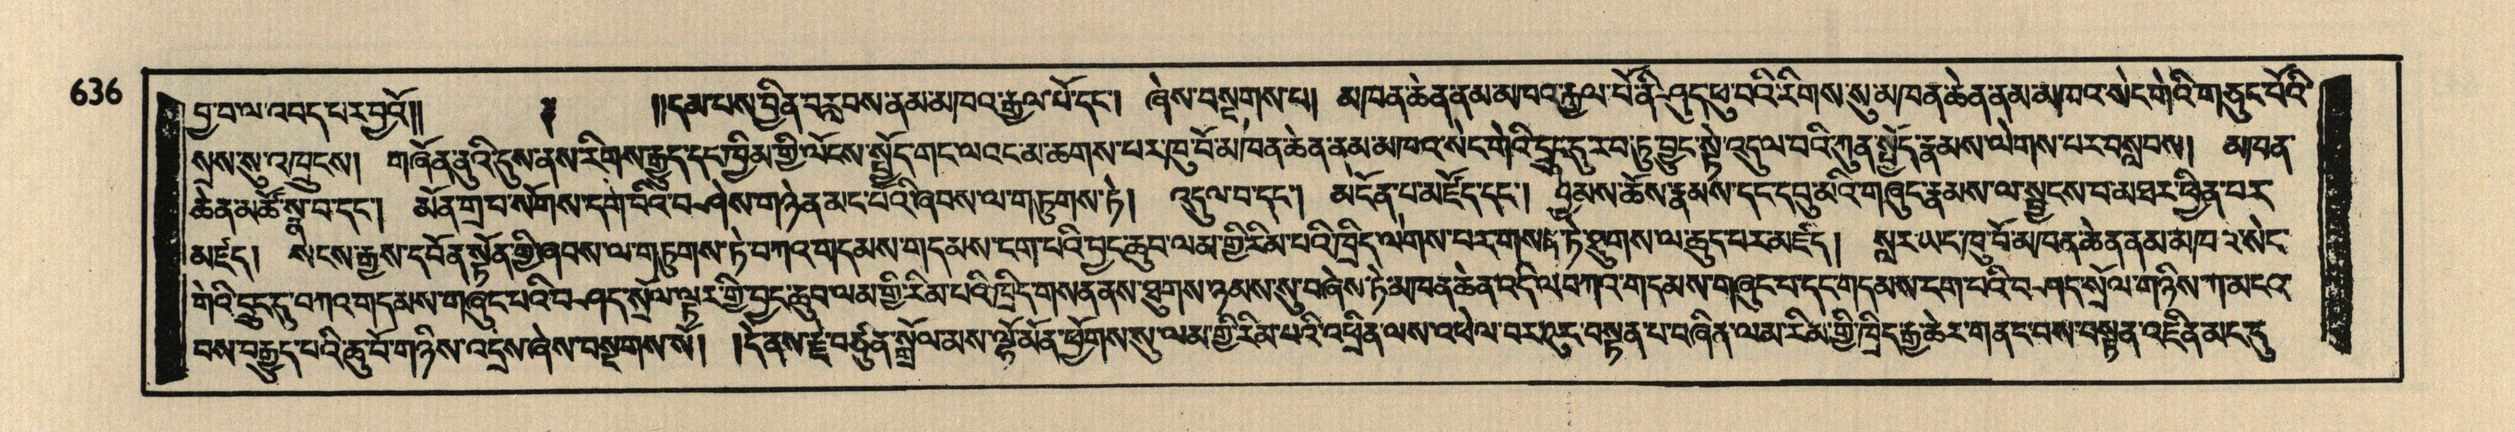བྱ་བ་ལ་འབད་པར་བྱའོ།། ༈ །།དམ་པས་བྱིན་བརླབས་ནམ་མཁའ་རྒྱལ་པོ་དང་། ཞེས་བསྔགས་པ། མཁན་ཆེན་ནམ་མཁའ་རྒྱལ་པོ་ནི་ཤུད་ཕུ་བའི་རིགས་སུ་མཁན་ཆེན་ནམ་མཁའ་སེང་གེའི་གཅུང་བོའི་
སྲས་སུ་འཁྲུངས། གཞོན་ནུའི་དུས་ནས་རིགས་རྒྱུད་དང་ཁྱིམ་གྱི་ལོངས་སྤྱོད་གང་ལའང་མ་ཆགས་པར་ཁུ་བོ་མཁན་ཆེན་ནམ་མཁའ་སེང་གེའི་དྲུང་དུ་རབ་ཏུ་བྱུང་སྟེ་འདུལ་བའི་ཀུན་སྤྱོད་རྣམས་ལེགས་པར་བསླབས། མཁན་
ཆེན་མཚོ་སྣ་བ་དང་། མོན་གྲབ་སོགས་དགེ་བའི་བཤེས་གཉེན་མང་པོའི་ཞབས་ལ་གཏུགས་ཏེ། འདུལ་བ་དང་། མངོན་པ་མཛོད་དང་། བྱམས་ཆོས་རྣམས་དང་དབུ་མའི་གཞུང་རྣམས་ལ་སྦྱངས་བ་མཐར་ཕྱིན་བར་
མཛད། སངས་རྒྱས་དབོན་སྟོན་གྱི་ཞབས་ལ་གཏུགས་ཏེ་བཀའ་གདམས་གདམས་ངག་པའི་བྱང་ཆུབ་ལམ་གྱི་རིམ་པའི་ཁྲིད་ལེགས་བར་གསན་ཏེ་ཐུགས་ལ་ཆུང་པར་མཛད། སླར་ཡང་ཁུ་བོ་མཁན་ཆེན་ནམ་མཁའ་སེང་
གེའི་དྲུང་དུ་བཀའ་གདམས་གཞུང་པའི་བཤད་སྲོལ་ལྟར་གྱི་བྱང་ཆུབ་ལམ་གྱི་རིམ་པའི་ཁྲིད་གསན་ནས་ཐུགས་ཉམས་སུ་བཞེས་ཏེ་མཁན་ཆེན་འདི་ལ་བཀའ་གདམས་གཞུང་པ་དང་གདམས་ངག་པའི་བཤད་སྲོལ་གཉིས་ཀ་མངའ་
བས་བརྒྱུད་པའི་ཆུ་བོ་གཉིས་འདྲས་ཞེས་བསྔགས་སོ། །དེ་ནས་རྗེ་བཙུན་སྒྲོལ་མས་ལྷོ་མོན་ཕྱོགས་སུ་ལམ་གྱི་རིམ་པའི་འཕྲིན་ལས་འཕེལ་བར་ལུང་བསྟན་པ་བཞིན་ལམ་རིམ་གྱི་ཁྲིད་རྒྱ་ཆེར་གནང་བས་བསྟན་འཛིན་མང་དུ་